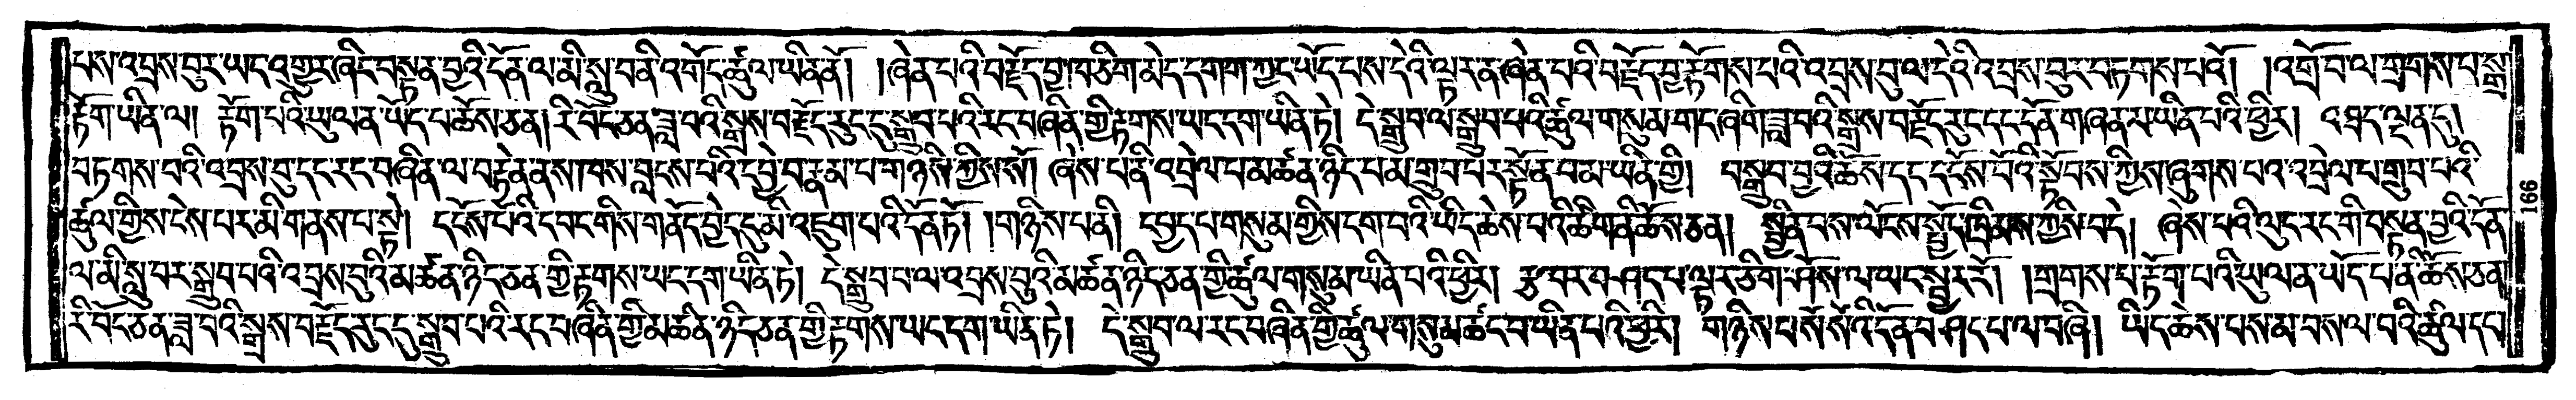པས་འབྲས་བུར་ཡང་འགྱུར་ཞིང་བསྟན་བྱའི་དོན་ལ་མི་སླུ་བ་ནི་འགོད་ཚུལ་ཡིན་ནོ། །ཞེན་པའི་བརྗོད་བྱ་ཁ་ཅིག་མེད་དགག་ཀྱང་ཡོད་པས་དེའི་ལྟར་ན་ཞེན་པའི་བརྗོད་བྱ་རྟོགས་པའི་འབྲས་བུ་ལ་དེའི་འབྲས་བུར་བཏགས་པའོ། །འགྲོ་བ་ལ་གྲགས་པ་སྒྲ་
རྟོག་ཡིན་ལ། རྟོག་པའི་ཡུལ་ན་ཡོད་པ་ཆོས་ཅན། རི་བོང་ཅན་ཟླ་བའི་སྒྲས་བརྗོད་རུང་དུ་སྒྲུབ་པའི་རང་བཞིན་གྱི་རྟགས་ཡང་དག་ཡིན་ཏེ། དེ་སྒྲུབ་ལ་སྒྲུབ་པའི་ཚུལ་གསུམ་གང་ཞིག་ཟླ་བའི་སྒྲས་བརྗོད་རུང་དང་དོན་གཞན་པ་ཡིན་པའི་ཕྱིར། འཐད་ལྡན་དུ།
བཏགས་བའི་འབྲས་བུ་དང་རང་བཞིན་ལ་བརྟེན་ནས་ཁས་བླངས་པའི་དབྱེ་བ་རྣམ་པ་གཉིས་ཀྱིས་སོ། ཞེས་པ་ནི་འབྲེལ་པ་མཚན་ཉིད་པ་མ་གྲུབ་པར་སྟོན་པ་མ་ཡིན་གྱི། བསྒྲུབ་བྱའི་ཆོས་དང་དངོས་བོའི་སྟོབས་ཀྱིས་ཞུགས་པའི་འབྲེལ་པ་གྲུབ་པའི་
ཚུལ་གྱིས་ངེས་པར་མི་གནས་པ་སྟེ། དངོས་པོའི་དབང་གིས་གནོད་བྱེད་དུ་མི་འཇུག་པའི་དོན་ཏོ། །གཉིས་པ་ནི། དཔྱད་པ་གསུམ་གྱིས་དག་བའི་ཡིད་ཆེས་བའི་ཚིག་ནི་ཆོས་ཅན། སྦྱིན་བས་ལོངས་སྤྱོད་ཁྲིམས་ཀྱིས་བདེ། ཞེས་པའི་ལུང་རང་གི་བསྟན་བྱའི་དོན་
ལ་མི་སླུ་བར་སྒྲུབ་པའི་འབྲས་བུའི་མཚན་ཉིད་ཅན་གྱི་རྟགས་ཡང་དག་ཡིན་ཏེ། དེ་སྒྲུབ་པ་ལ་འབྲས་བུའི་མཚན་ཉིད་ཅན་གྱི་ཚུལ་གསུམ་ཡིན་པའི་ཕྱིར། རྩ་བར་བཤད་པ་ལྟར་ཅིག་ཤོས་ལ་ཡང་སྦྱར་རོ། །གྲགས་པ་རྟོག་པའི་ཡུལ་ན་ཡོད་པ་ནི་ཆོས་ཅན་
རི་བོང་ཅན་ཟླ་བའི་སྒྲས་བརྗོད་རུང་དུ་སྒྲུབ་པའི་རང་བཞིན་གྱི་མཚན་ཉིད་ཅན་གྱི་རྟགས་ཡང་དག་ཡིན་ཏེ། དེ་སྒྲུབ་ལ་རང་བཞིན་གྱི་ཚུལ་གསུམ་ཚང་བ་ཡིན་པའི་ཕྱིར། གཉིས་པ་སོ་སོའི་དོན་བཤད་པ་ལ་བཞི། ཡིད་ཆེས་པས་མ་བསལ་བའི་ཚུལ་དང་།